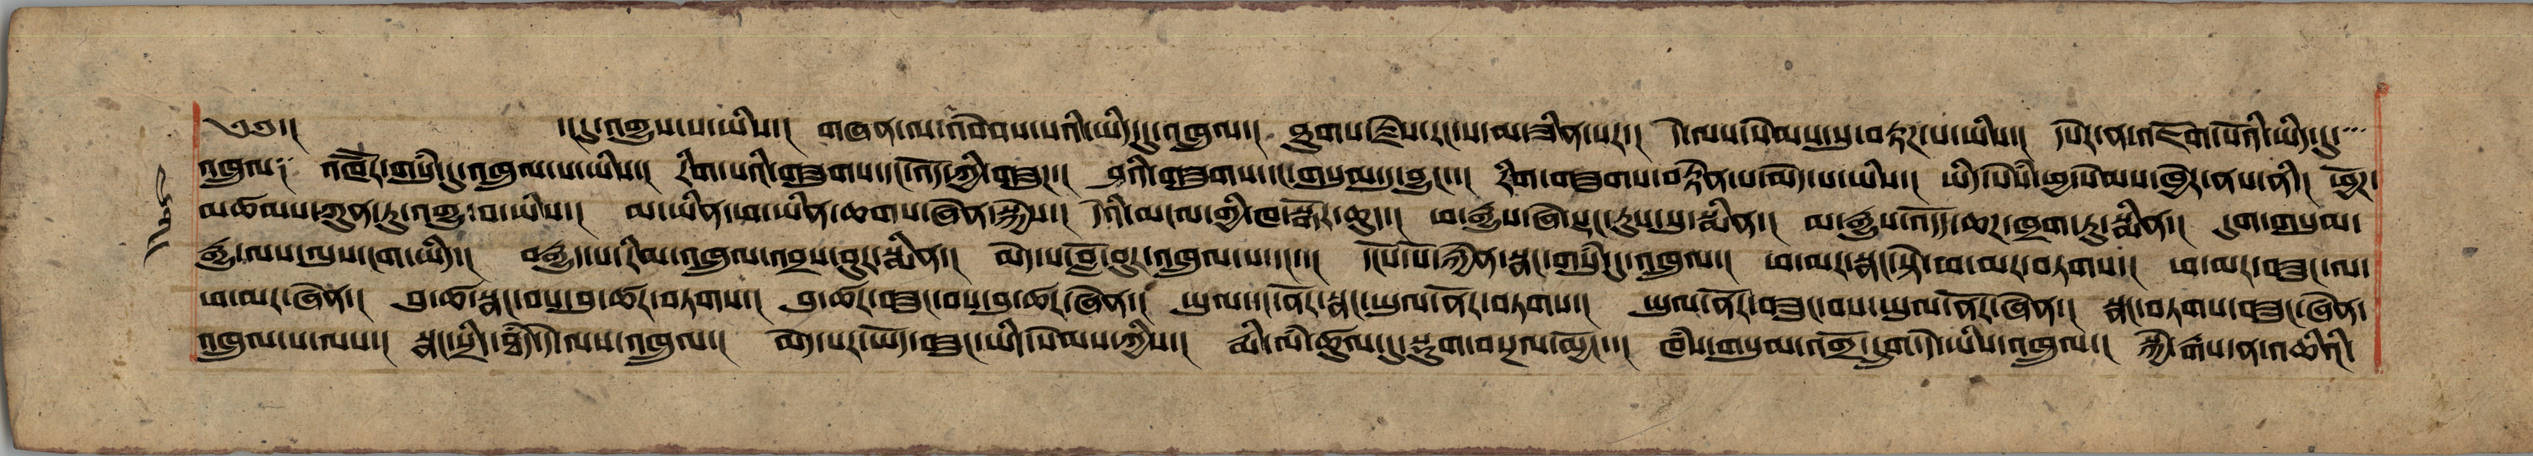༄༅་། ་།དུ་འགྱུས་པ་ཡིས་། གཞན་ལ་འབེབས་པའི་ཡིད་དུ་འཁྲུལ་། ཐུགས་རྗེས་རང་ས་མ་ཟིན་པར་། དེ་ལས་སེམས་སུ་བརྟཌ་པ་ཡིས་། དཔེར་ན་འཇོག་པའི་ཡིད་དུ་
འཁྲུལ༑ འཁཽར་གསུམ་དུ་འཁྲུལ་པ་ཡིས་་། རིག་པའི་གཟུགས་དང་འོད་ཀྱི་གཟུཌ་། ཤའི་གཟུགས་དང་གསུམ་དུ་བྱུང་་། རིག་གཟུགས་བརྟེན་པ་མེད་པཡིས་། ཡིད་སེཾས་ཕྱ་སེམས་ཁྱེར་ནས་ནི་། ཕྱོཌ་
མཚམས་ཀུན་ཏུ་འགྱུ་བ་ཡིས་། མ་ཡིན་ཨ་ཡིན་ཆགས་ཞེན་སྐྱེས་། དེའི་མངལ་གྱི་ཁ་སྒོར་ཆུད་། ཕ་རྒྱུས་ཞེ་སྡང་རུས་སུ་སྨིན་། མ་རྒྱུས་འདོད་ཆཌ་ཁྲག་ཏུ་སྨིན་། དུག་གསུམ་
རྒྱུ་ལས་ལུས་ངག་ཡིད་། བརྒྱུད་པ་རིམ་འཁྲུལ་འབྲས་བུར་སྨིན་། མེད་པ་བློ་བུར་འཁྲུལ་པ་དང་་། དངོས་པོ་རྐྱེན་སྣང་གསུཾ་དུ་འཁྲུལ་། ཕ་མར་སྣང་སྟེ་ཕ་མར་བཏགས་། ཕ་མར་བཟུང་ལ་
ཕ་མར་ཞེན་། བུ་ཚ་སྣང་བས་བུ་ཚར་བཏགས་། བུ་ཚར་བཟུང་བས་བུ་ཚར་ཞེན་། ཡུལ་དང་ནོར་སྣང་ཡུལ་ནོར་བཏགས་། ཡུལ་ནོར་བཟུང་བས་ཡུལ་ནོར་ཞེན་། སྣང་བཏགས་བཟུང་ཞེན་
འཁྲུལ་པ་ལས་། སྣང་སྲིད་ཐཾད་དེ་ལས་འཁྲུལ་། མེད་པར་ཡོད་བཟུང་ཡིད་སེམས་ཀྱིས་། རྨི་ལཾ་ཚུལ་དུ་སྡུག་བསྔལ་མྱོང་་། ཁཾས་གསུམ་འགྲོ་དྲུག་དེ་ཡིས་འཁྲུལ་། སྐྱེ་རྒ་ན་འཆིའི་